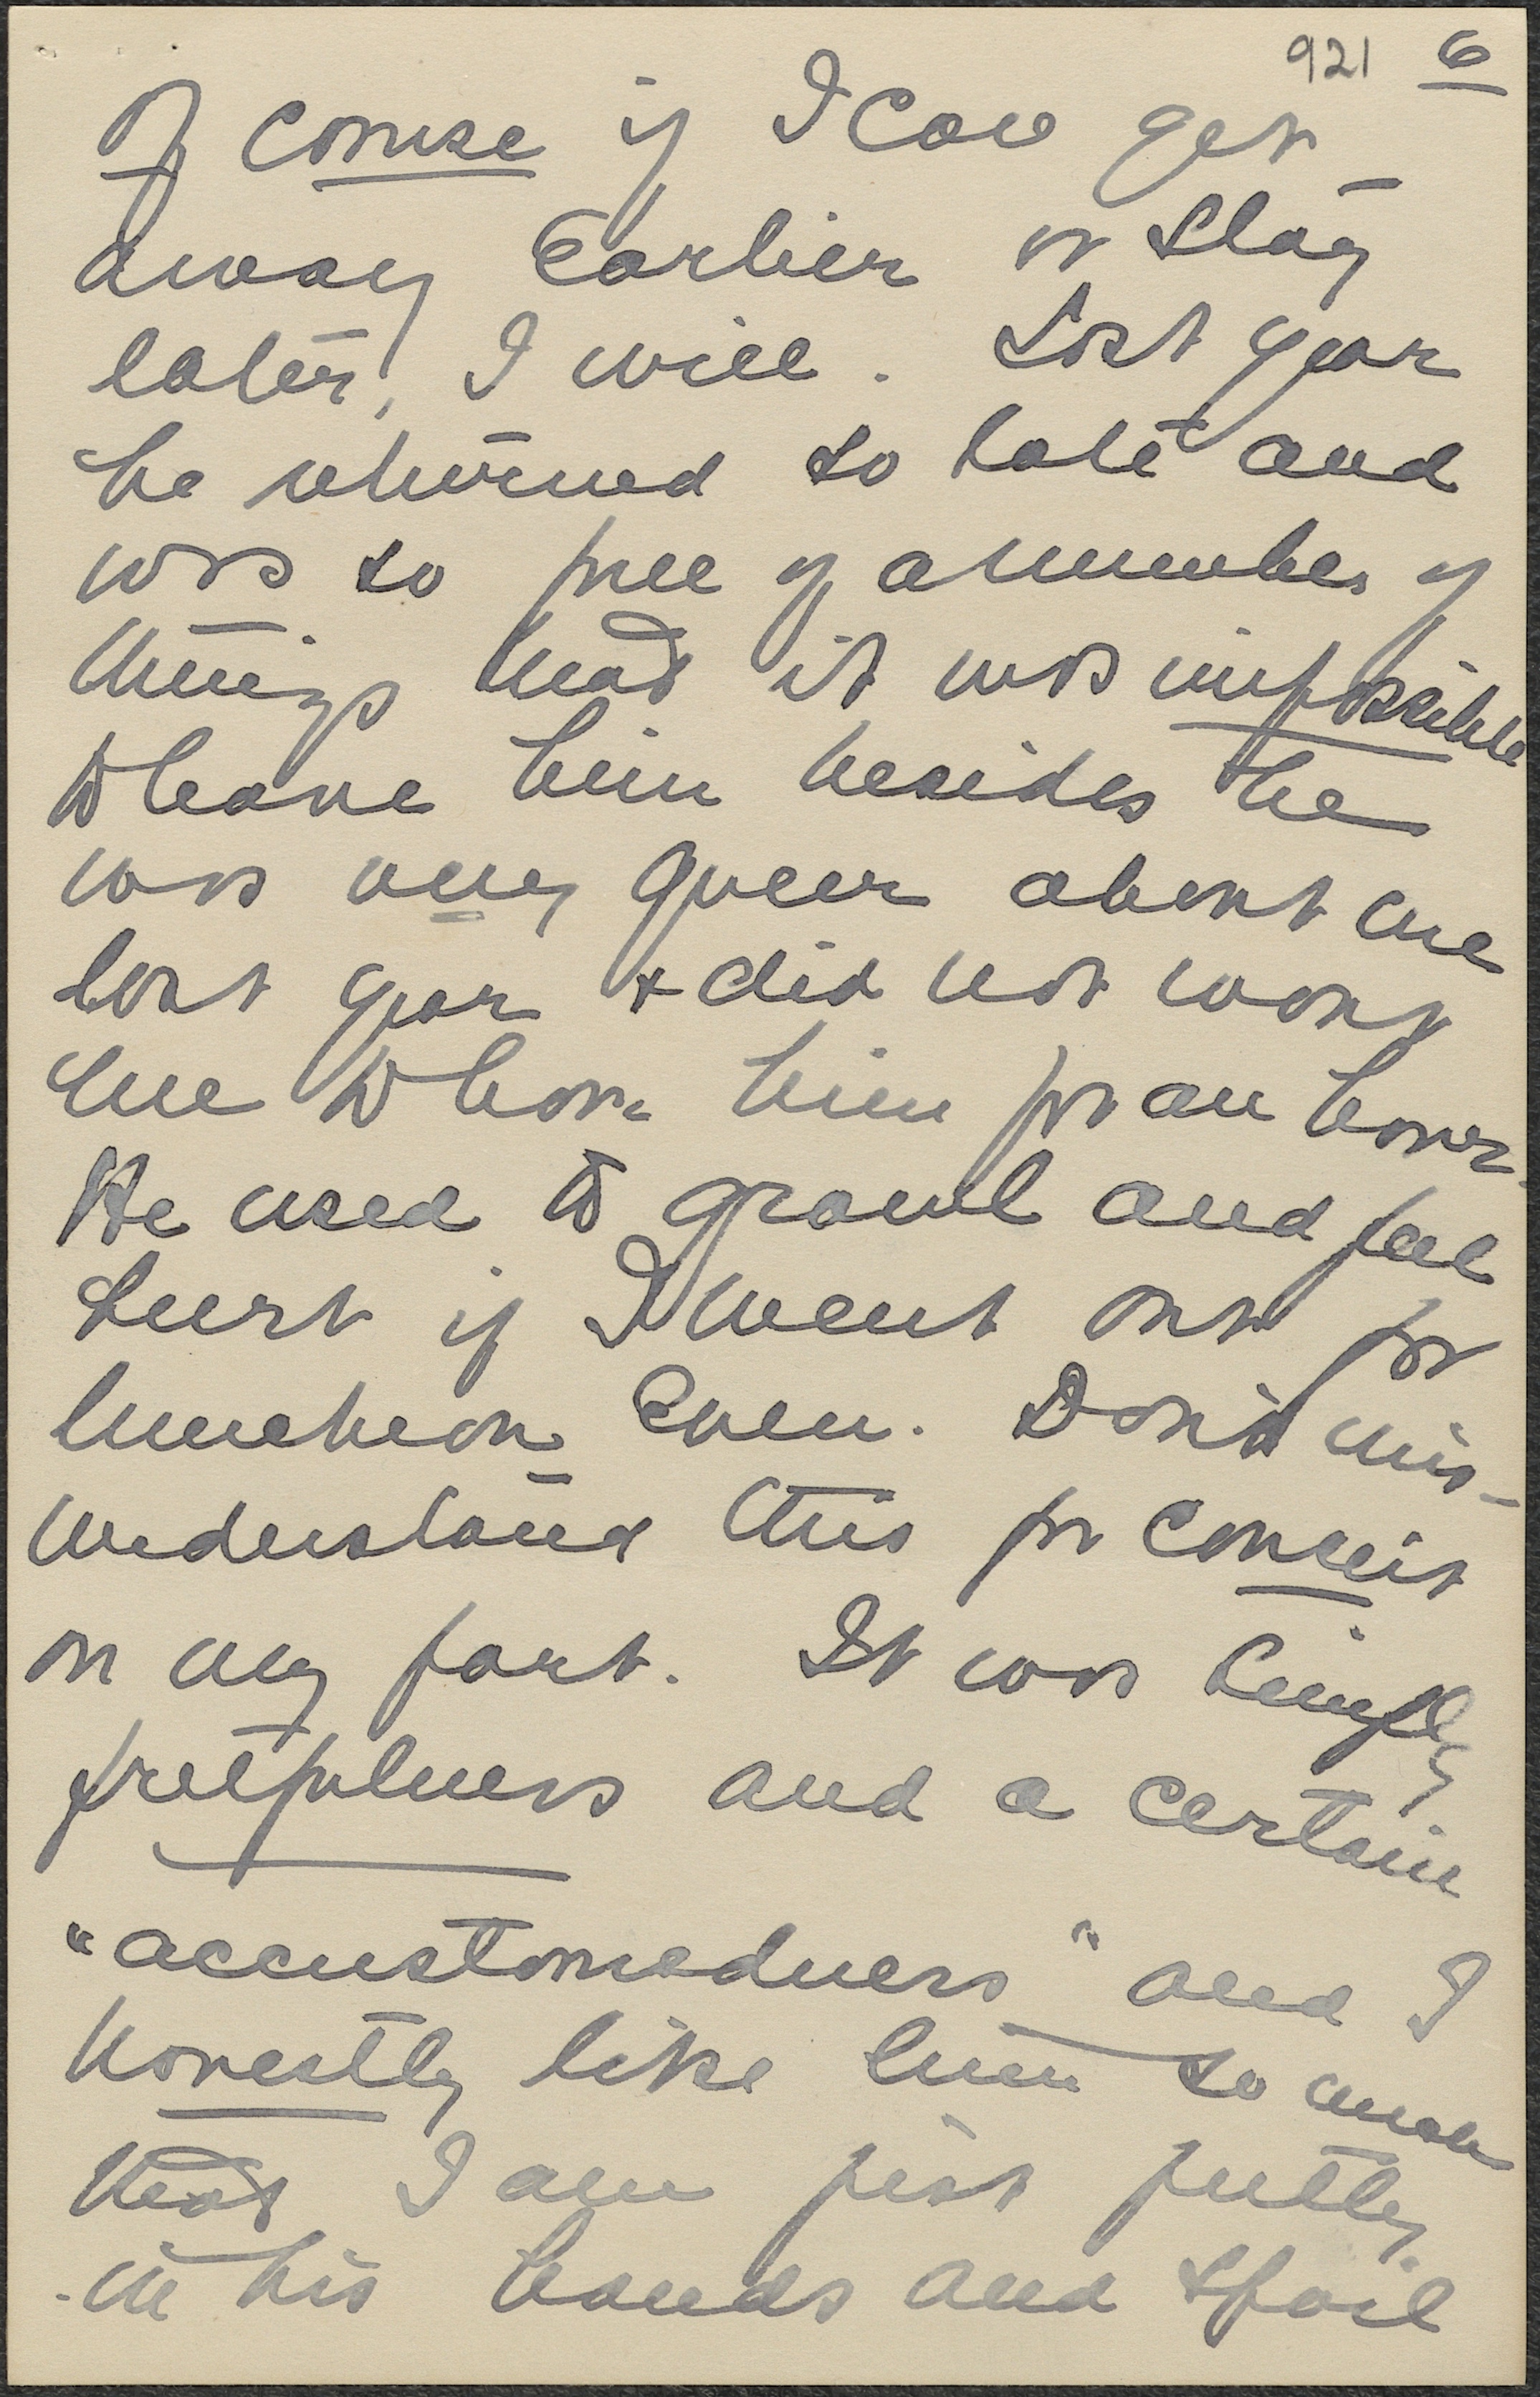6
of course if I can get away earlier or stay later, I will. Last year he returned so late and was so full of a number of things that it was impossible to leave him besides he was very queer about me last year & did not want me to leave him for an hour. He used to growl and feel hurt if I went out for luncheon even. Don’t misunderstand this for conceit on my part. It was simply fretfulness and a certain “accustomedness” and I honestly like him so much that I am just putty in his hands and spoil